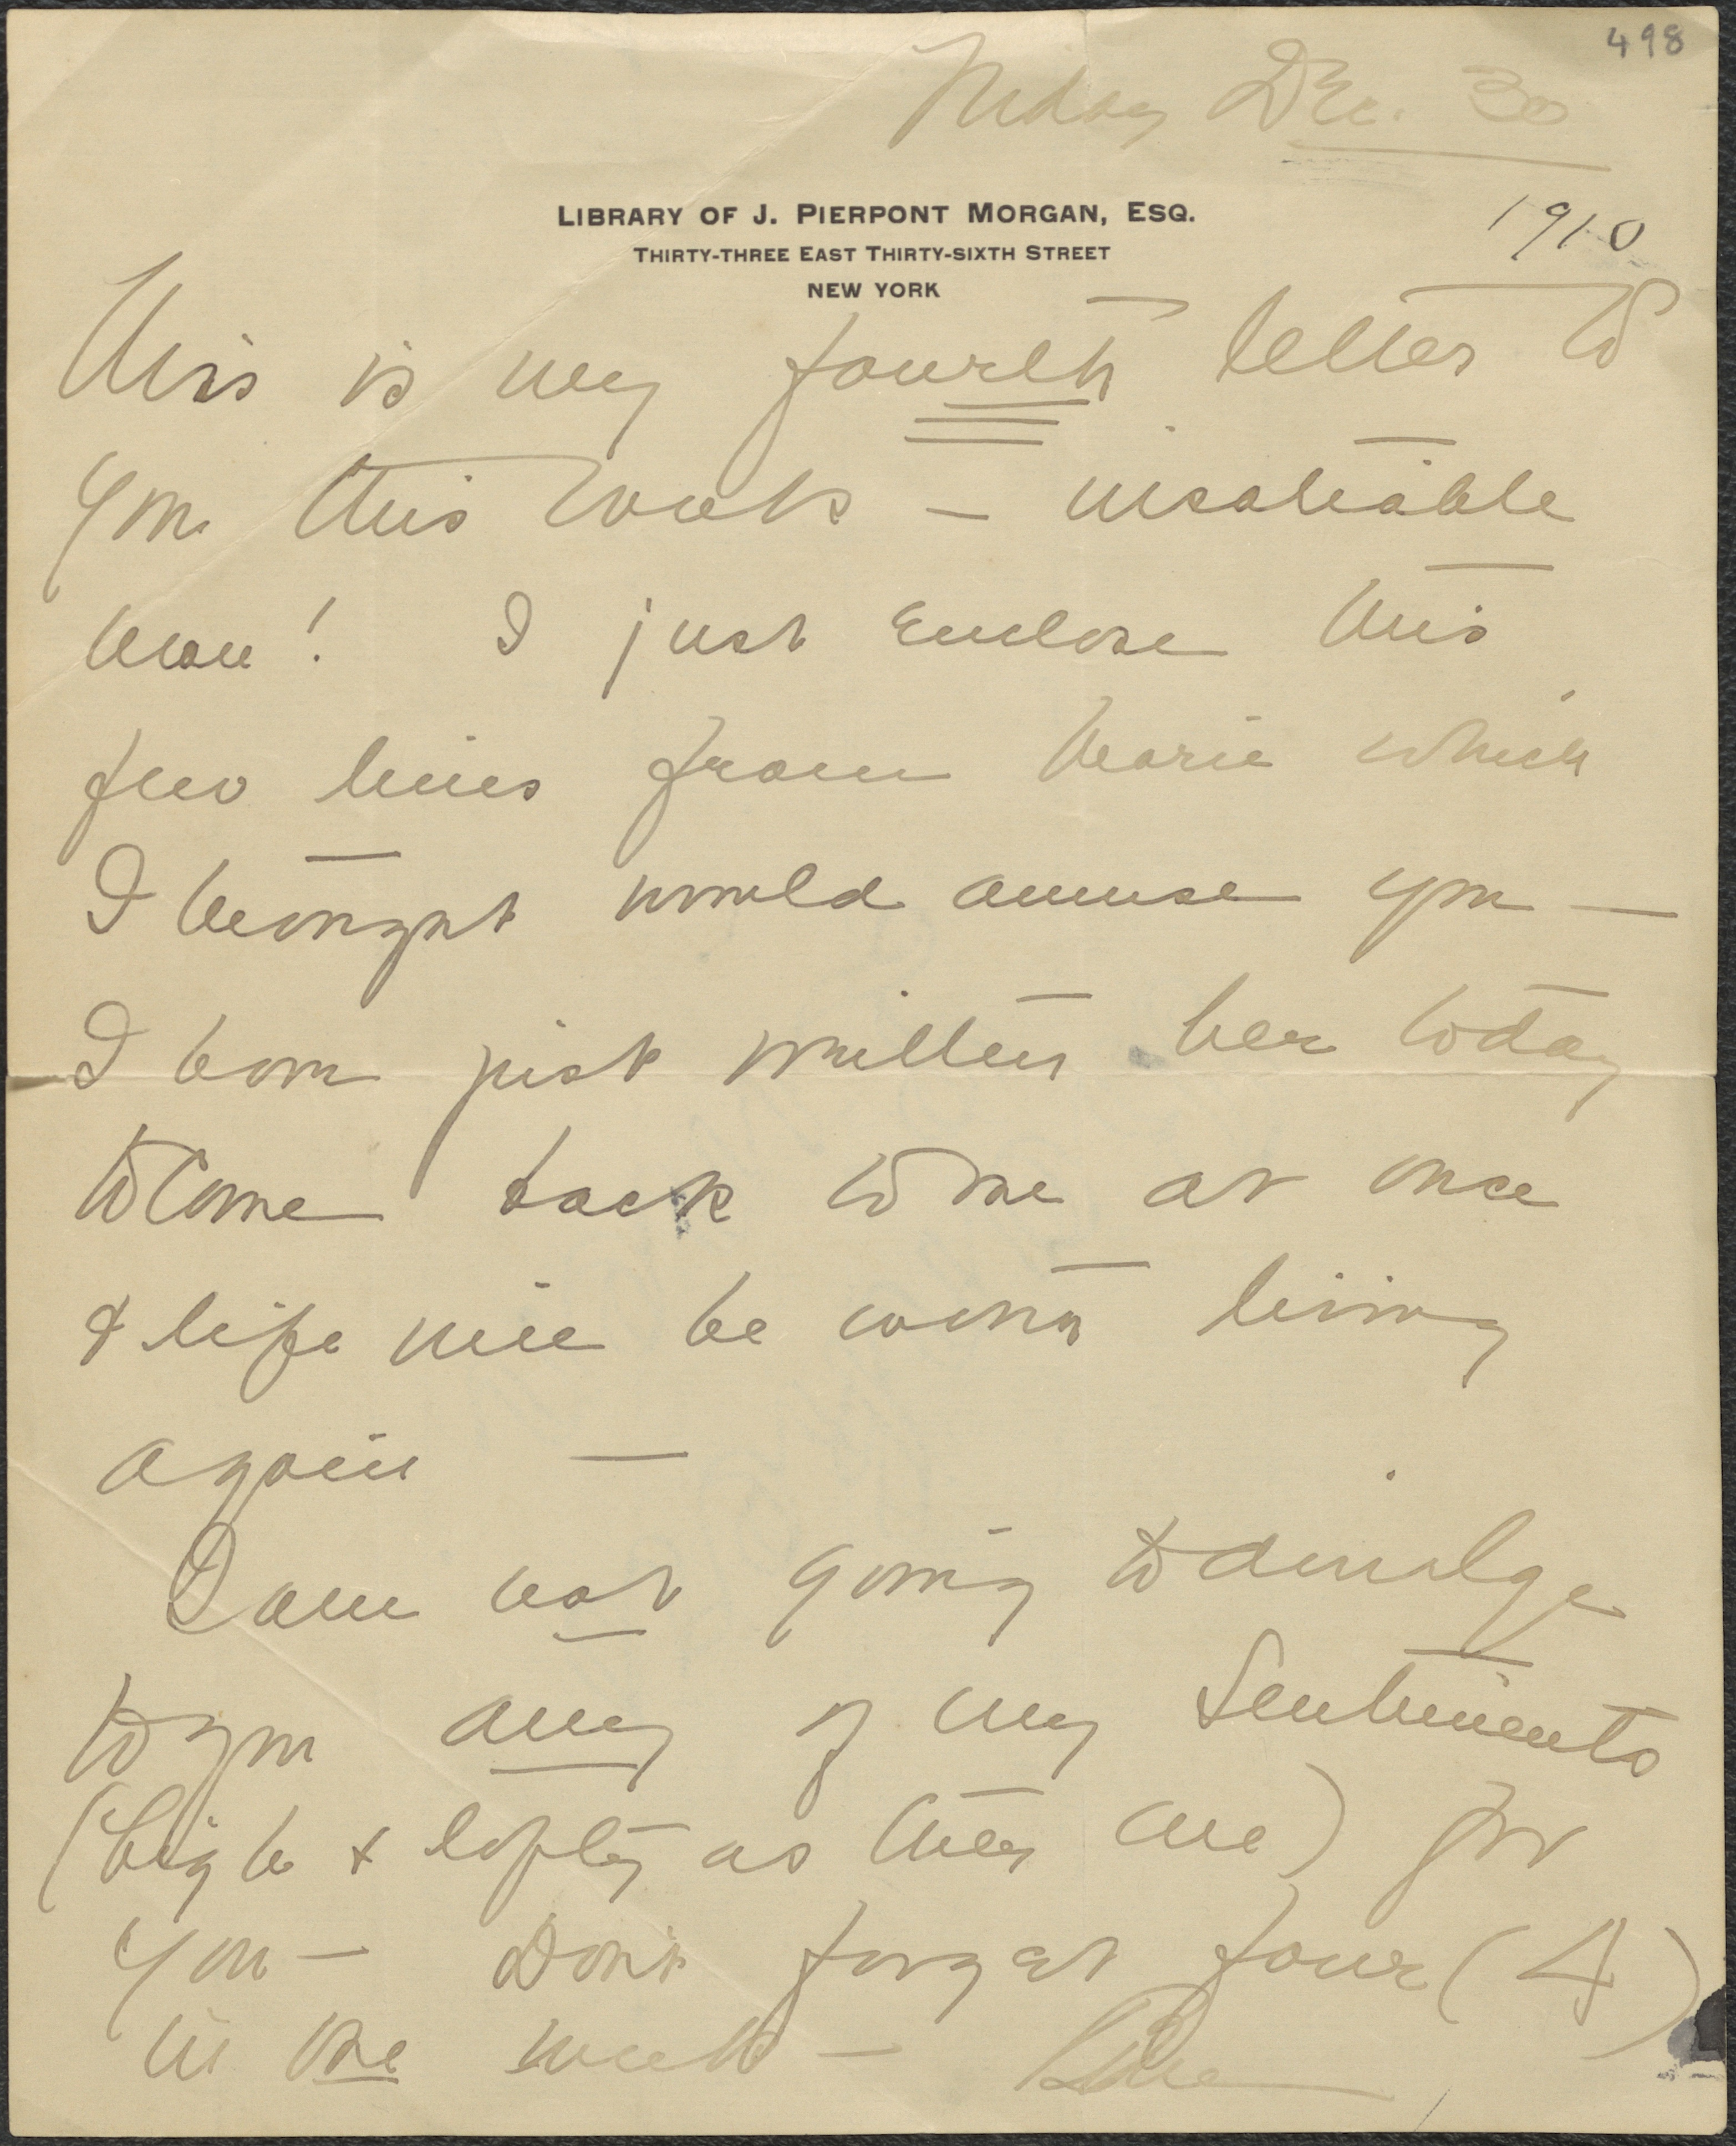Friday Dec. 30
This is my [triple underlined: fourth] letter to you this week – insatiable man! I just enclose this [sic] few lines from Marie which I thought would amuse you – I have just written her today to come back to me at once & life will be worth living again –
I am not going to divulge to you any of my sentiments (high & lofty as they are) for you – Don’t forget four (4) in one week – Belle